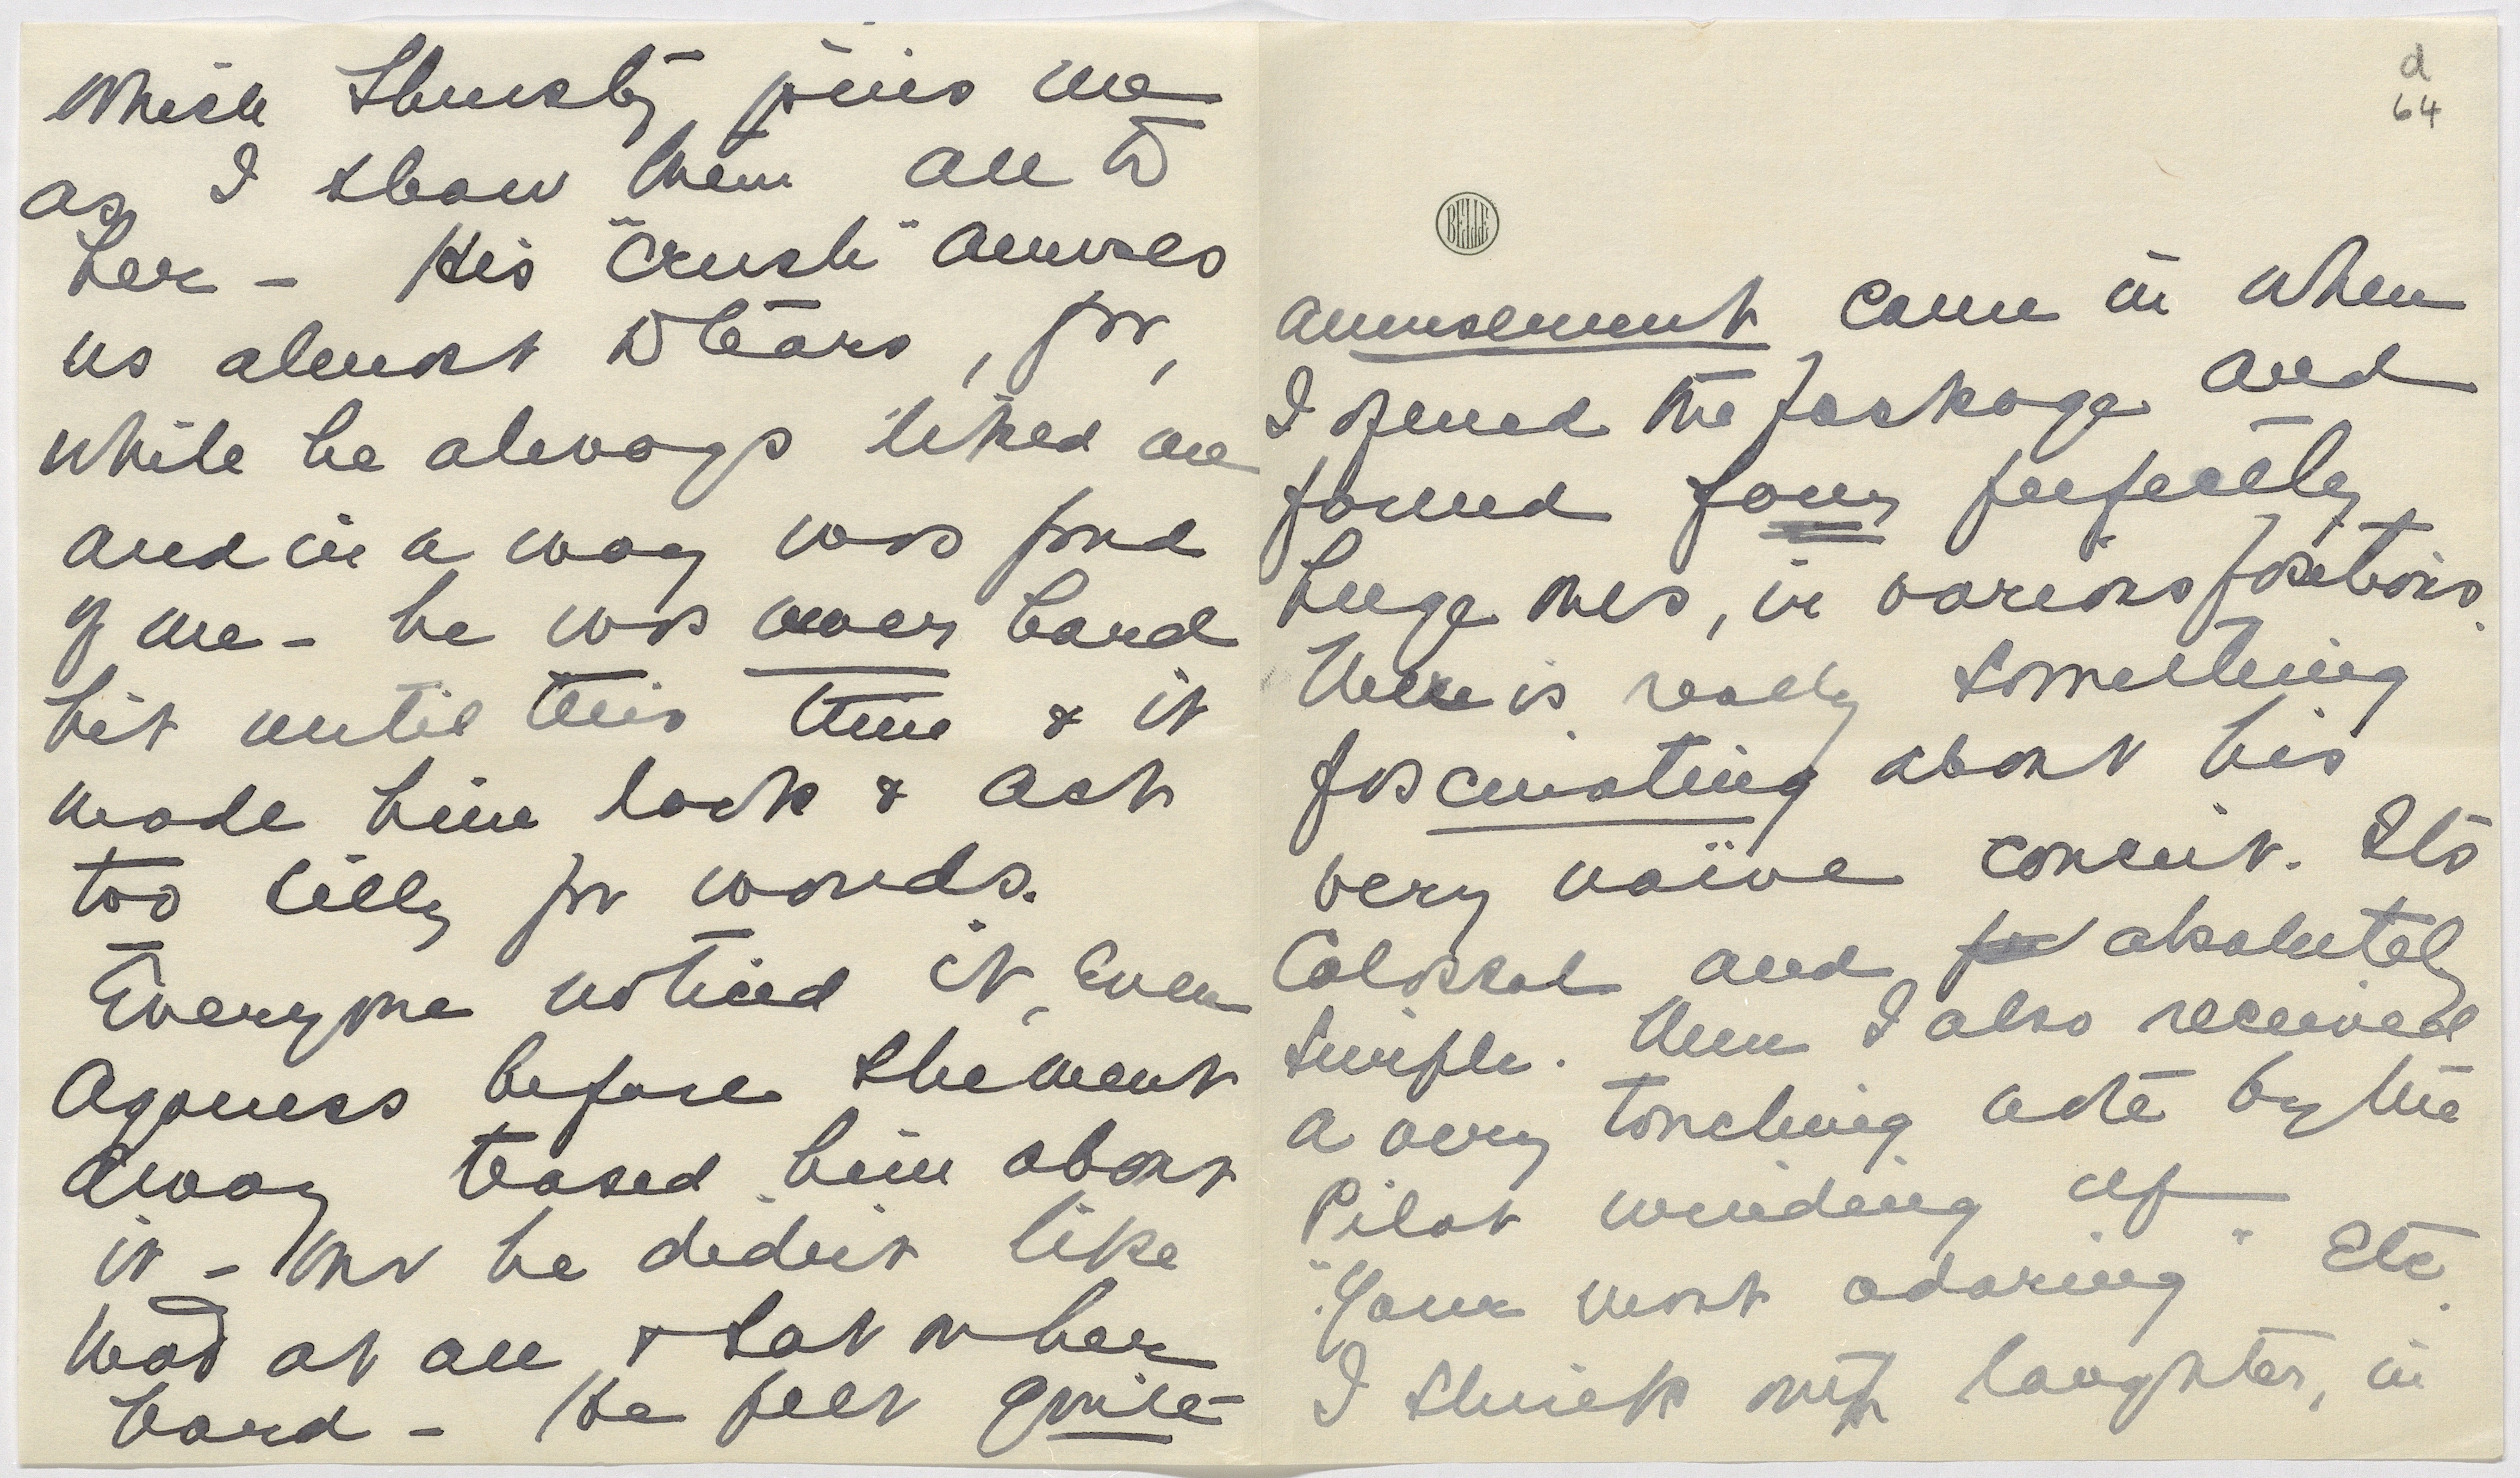amusement came in when I opened the package and found [double underlined: four] perfectly huge ones, in various positions. There is really something fascinating about his very naïve conceit. It’s colossal and for absolutely simple. Then I also received a very touching note by the Pilot winding up “your most adoring” etc. I shrieked with laughter, in
which Thursty joins me as I show them all to her – His “crush” amuses us almost to tears, for, while he always liked me and in a way was fond of me – he was never hard hit until this time & it made him look & act too silly for words.
Everyone noticed it, even Agoness before she went away teased him about it – but he didn’t like that at all & sat on her hard – He felt quite